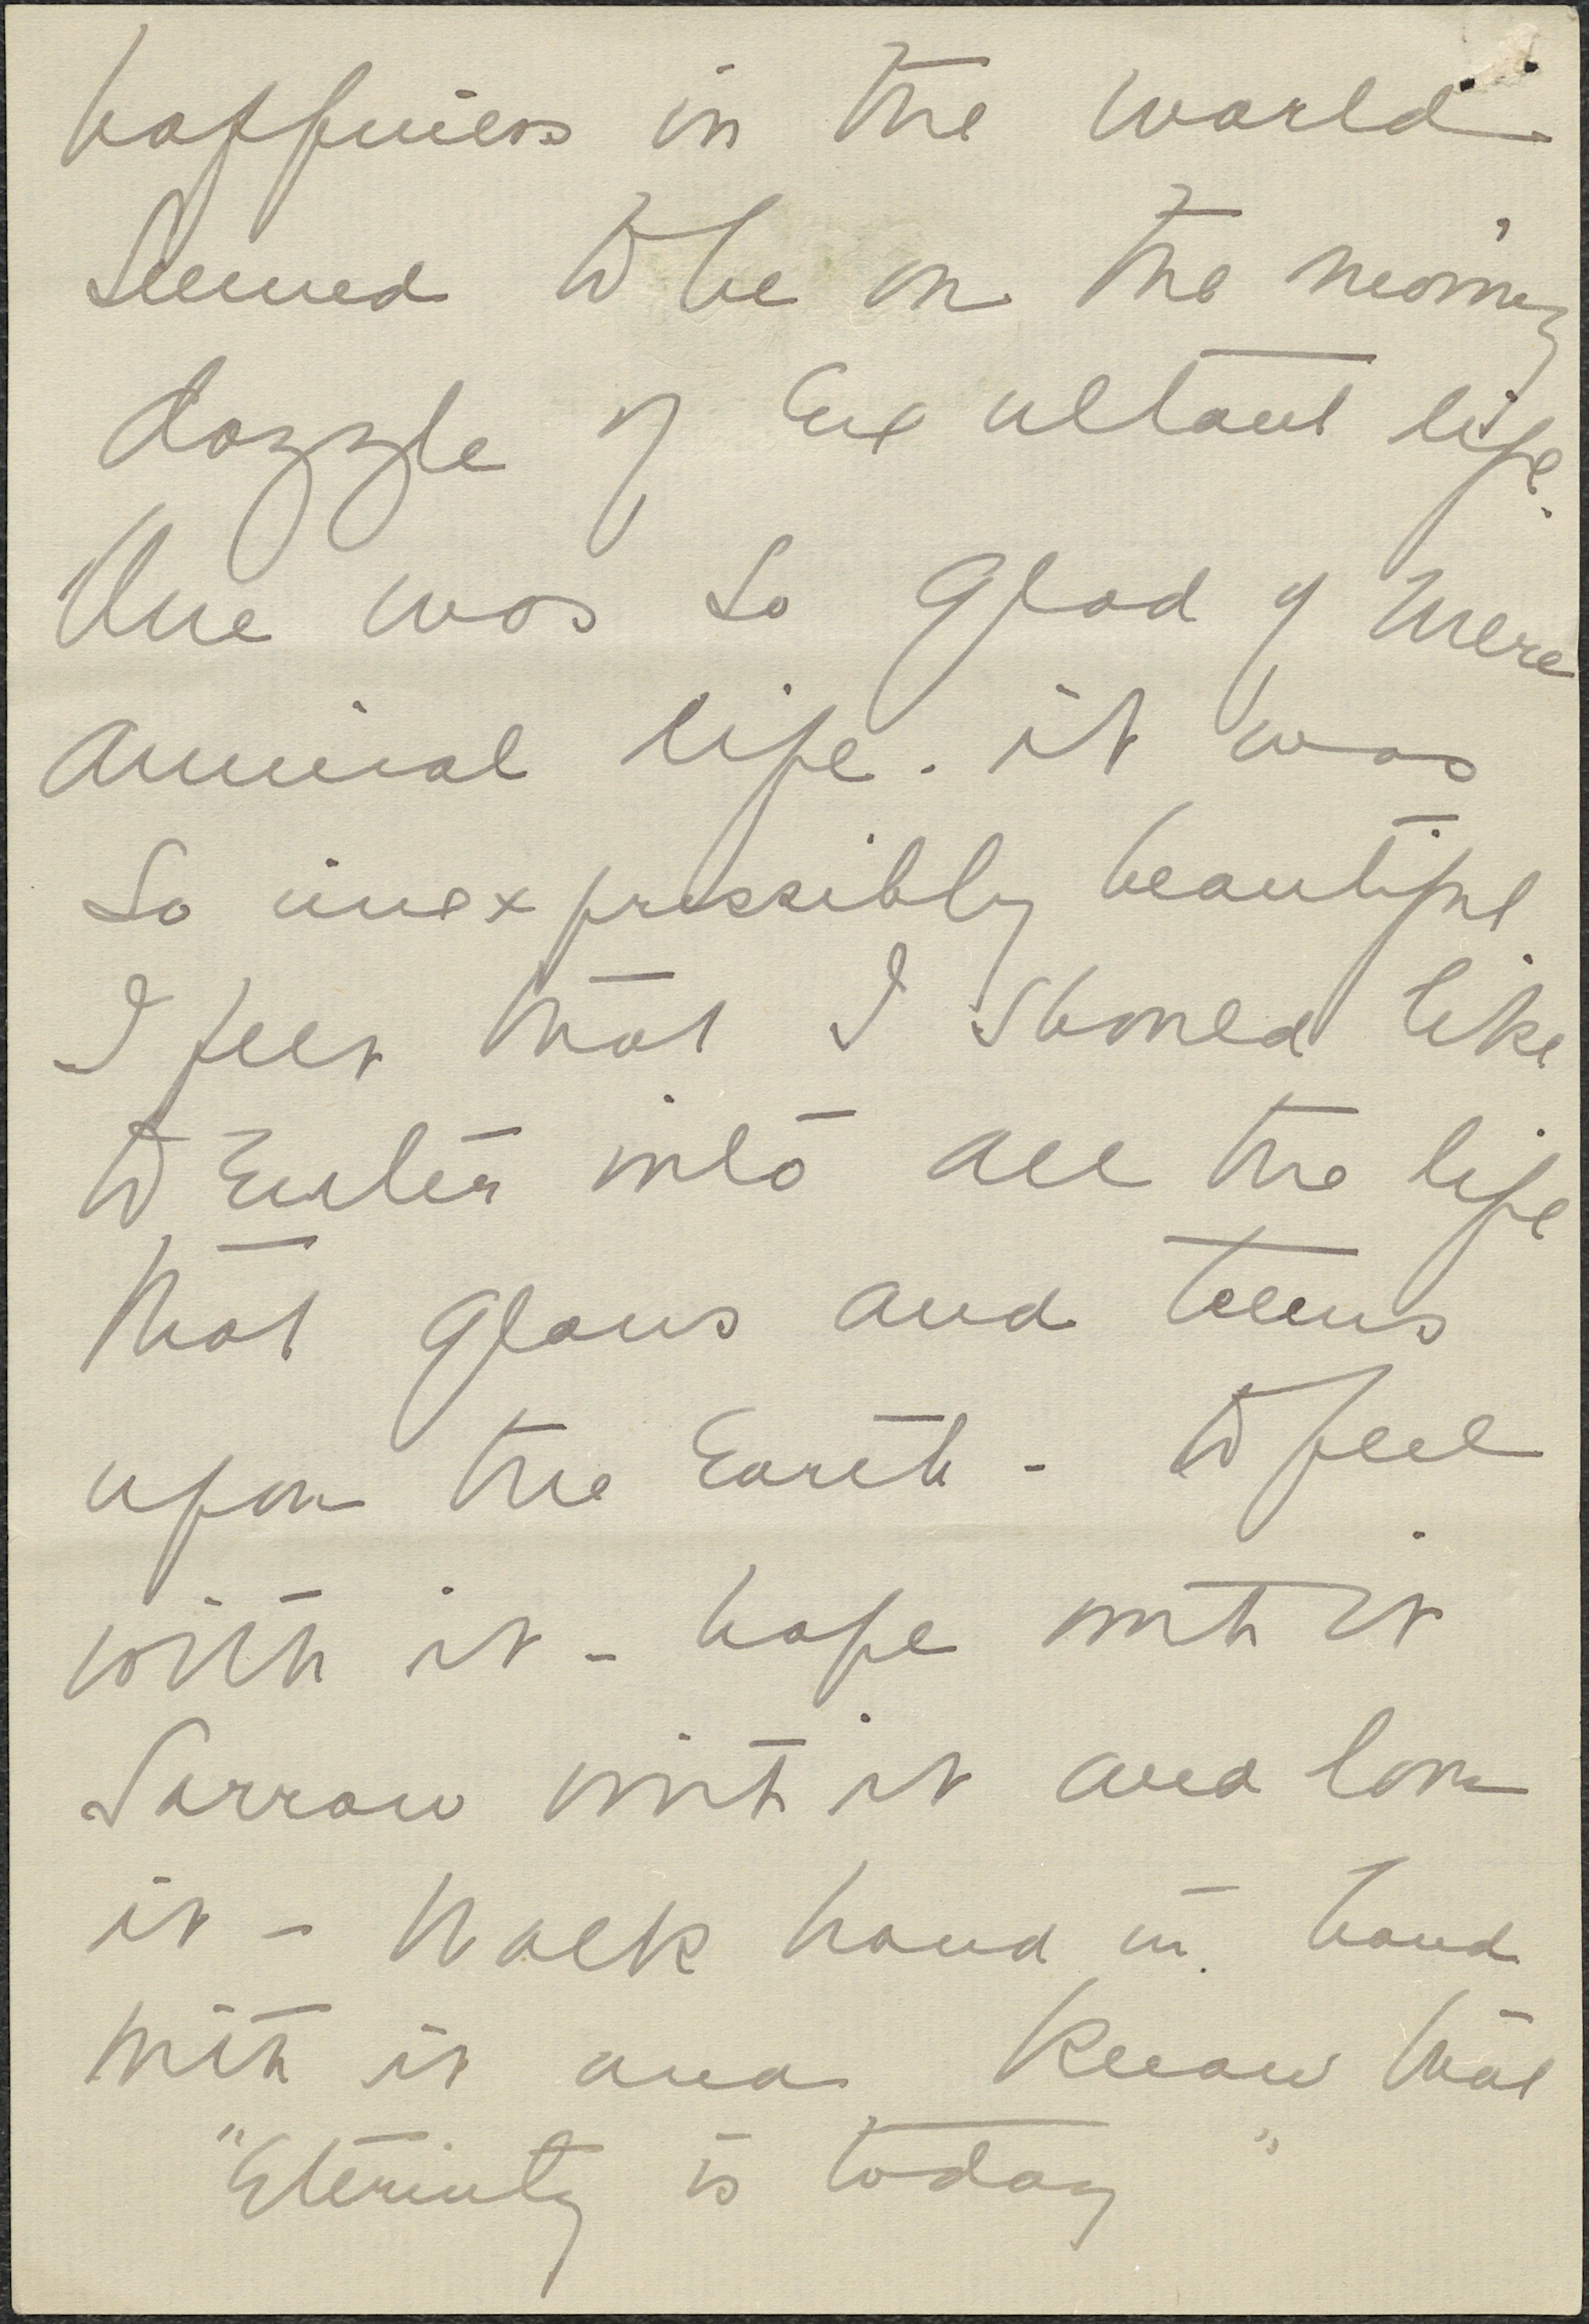happiness in the world seemed to be on the morning dazzle of exultant life. One was so glad of mere animal life, it was so inexpressibly beautiful. I felt that I should like to enter into all the life that glows and teems upon the Earth – to feel with it – hope with it sorrow with it and love it – walk hand in hand with it and know that “eternity is today”